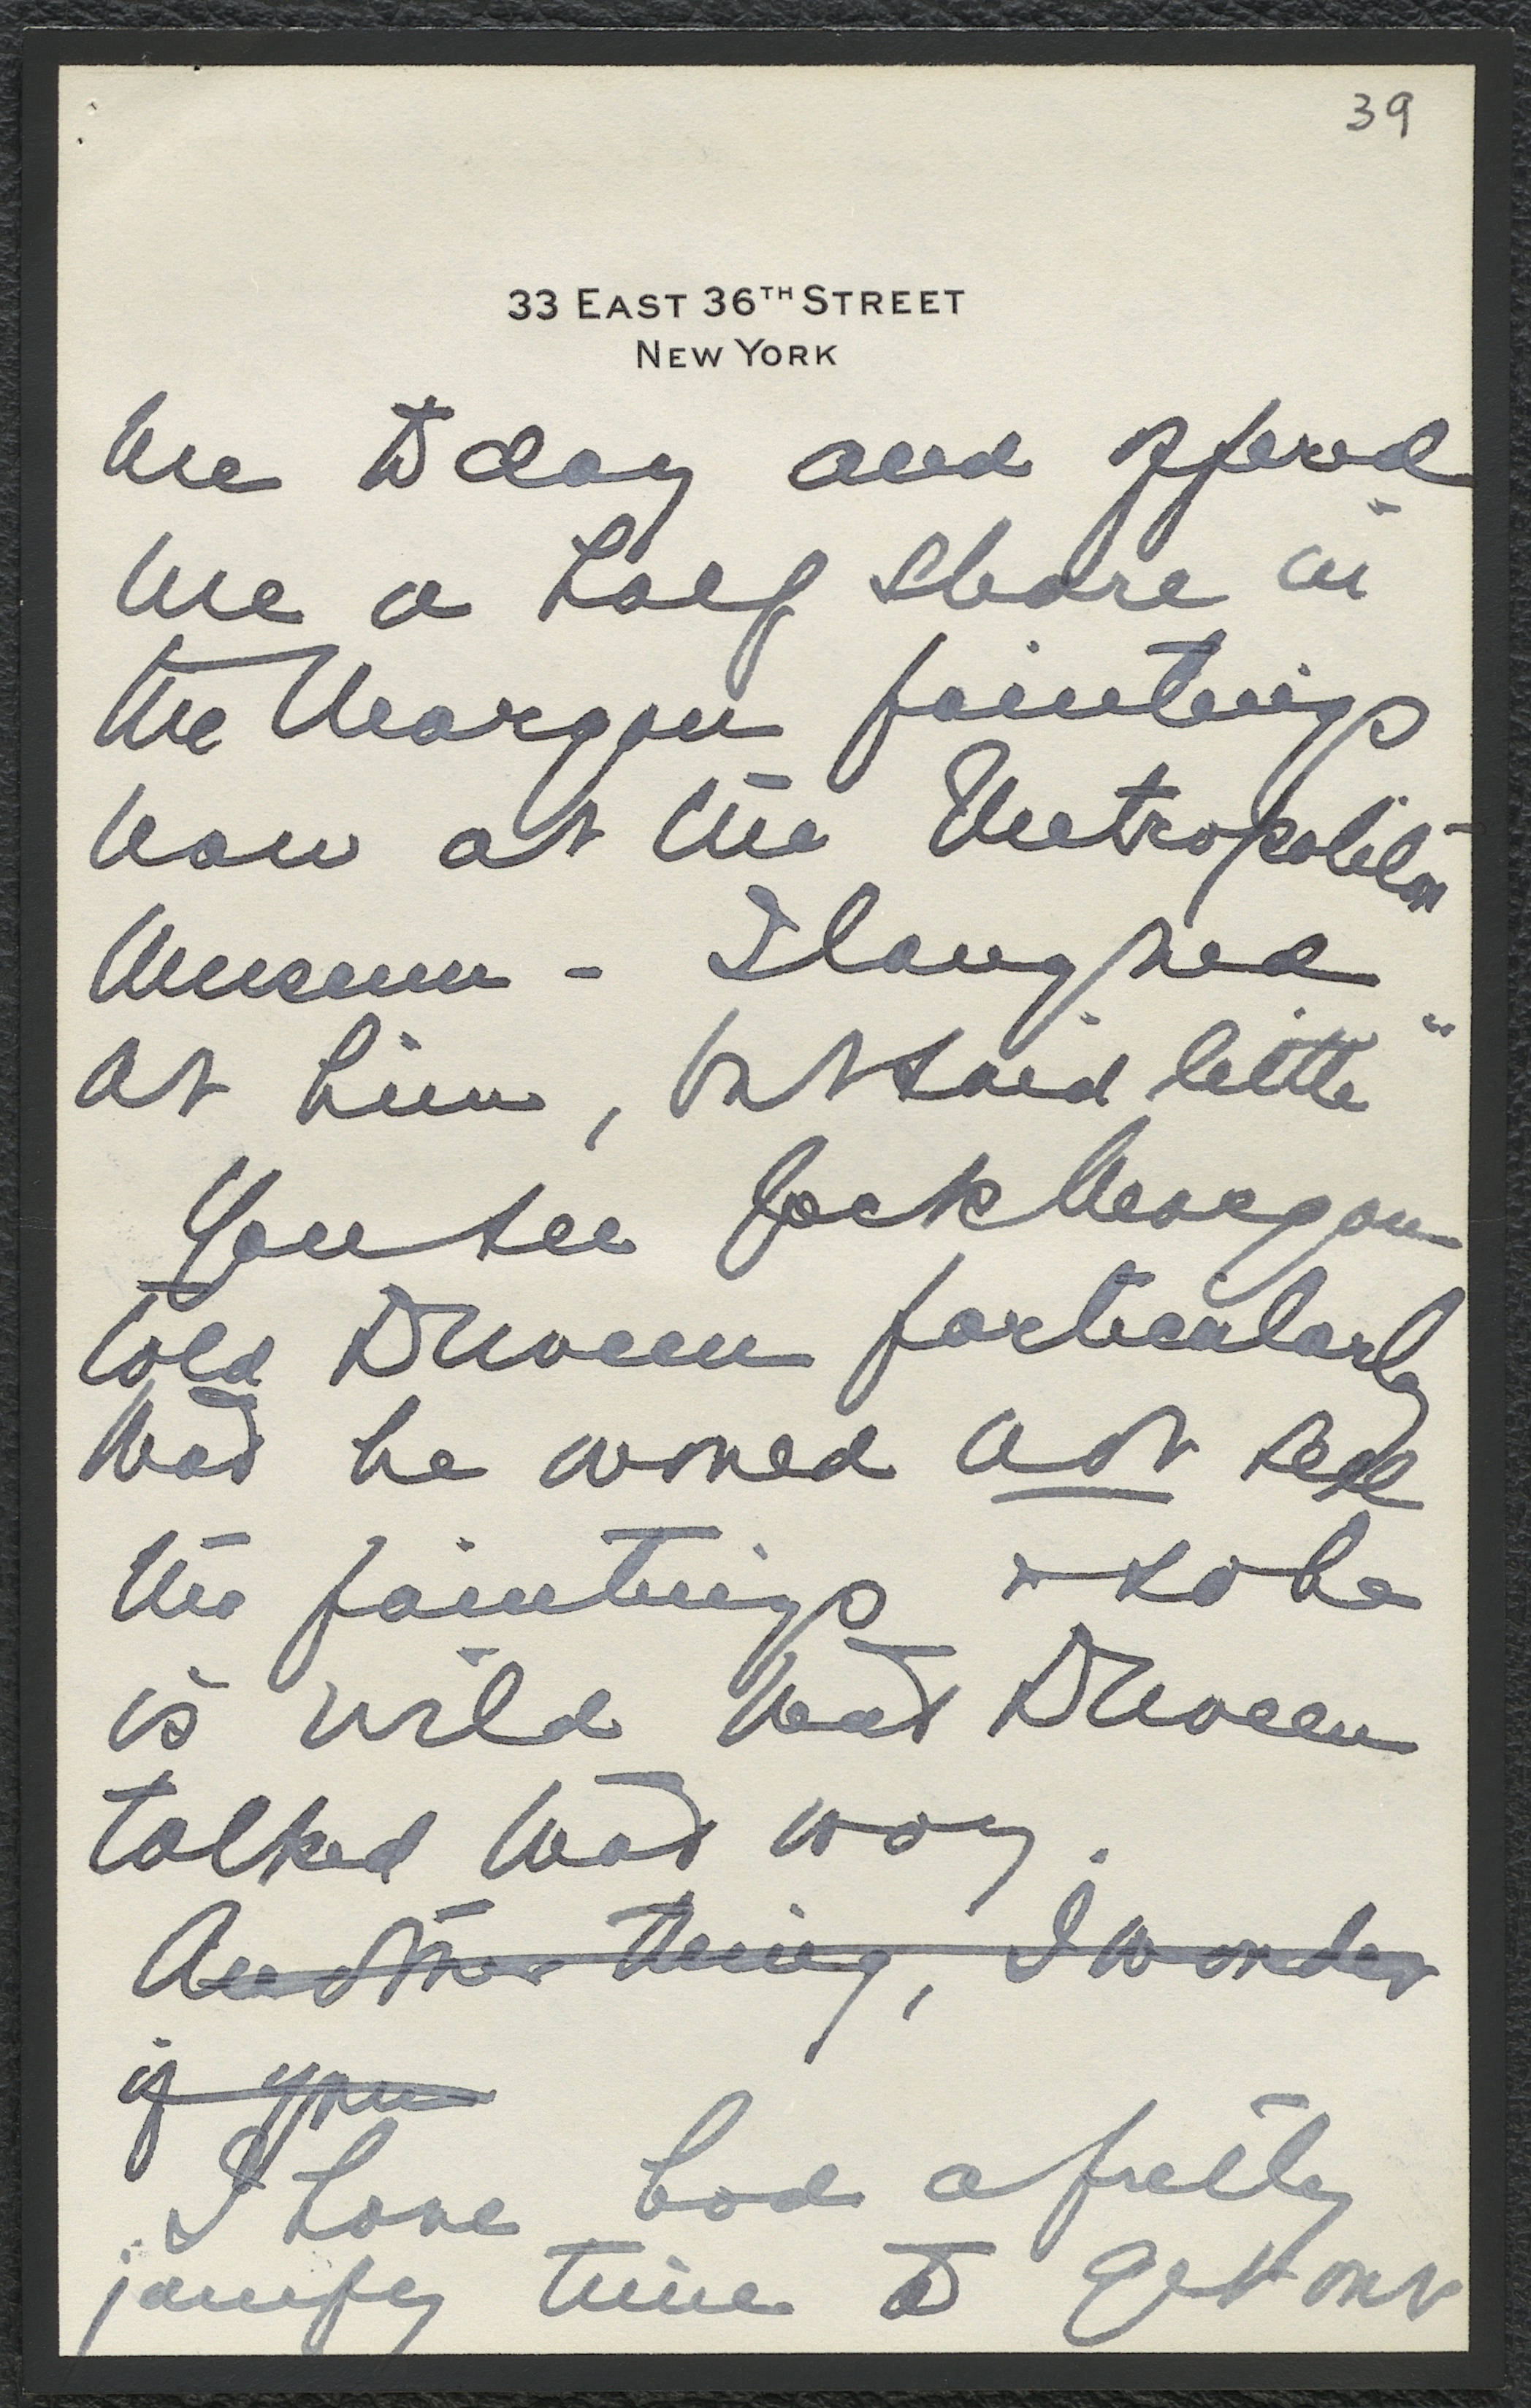me today and offered me a half share in the Morgan paintings now at the Metropolitan Museum – I laughed at him, but said little”
You see Jack Morgan told Duveen particularly that he would not sell the paintings & so he is wild that Duveen talked that way.
And the thing, I wonder if you
I have had a pretty jumpy time to get out